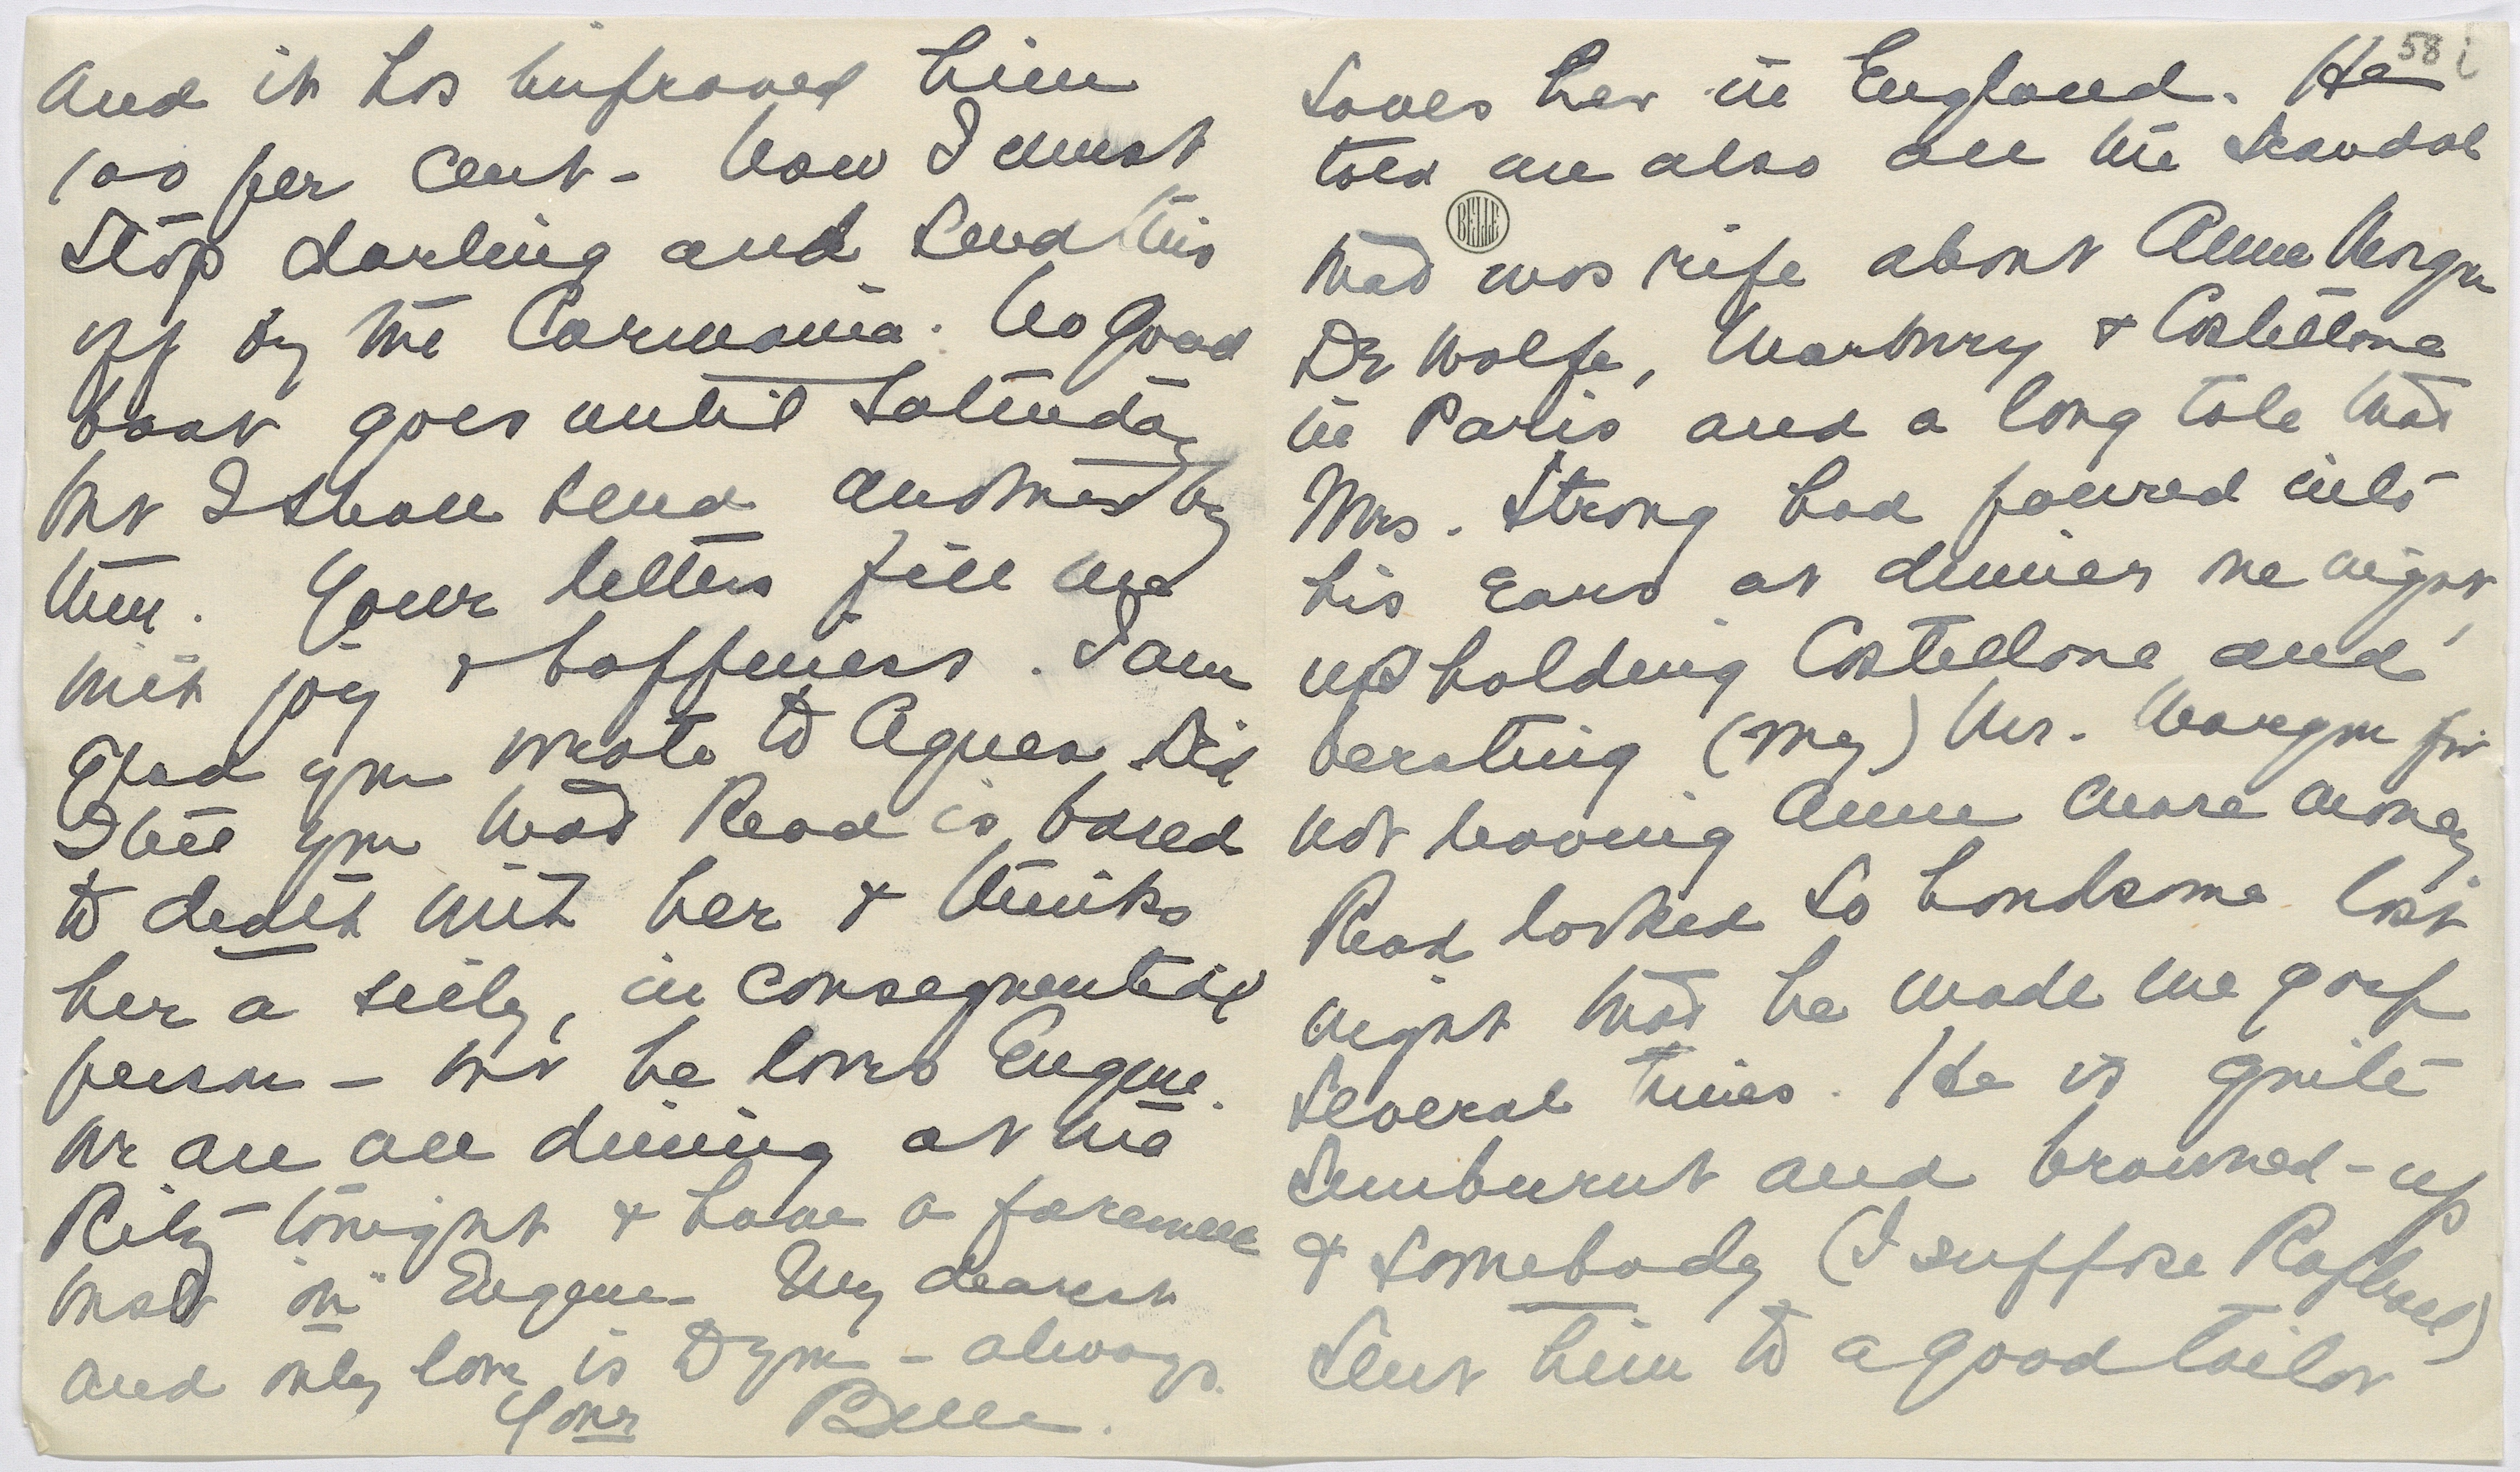saves her in England. He told me also all the scandal that was rife about Anne Morgan De Wolfe, Marbury & Castellane in Paris and a long tale that Mrs. Strong had poured into his Ears at dinner one night, upholding Castellane and berating (my) Mr. Morgan for not leaving Anne more money. Read looked so handsome last night that he made me gasp several times. He is quite sunburnt and browned-up & somebody (I suppose Raphael) sent him to a good tailor
and it has improved him 100 per cent – how I must stop darling and send this off by the Carmania. No good boat goes until Saturday but I shall send another by then. Your letters fill me with joy & happiness. I am glad you wrote to Agnes. Did I tell you that Read is bored to death with her & thinks her a silly, inconsequential person – but he loves Eugene. We are all dining at the Ritz tonight & have a farewell bust “on” Eugene – My dearest and only love is to you – always.
Your Belle.